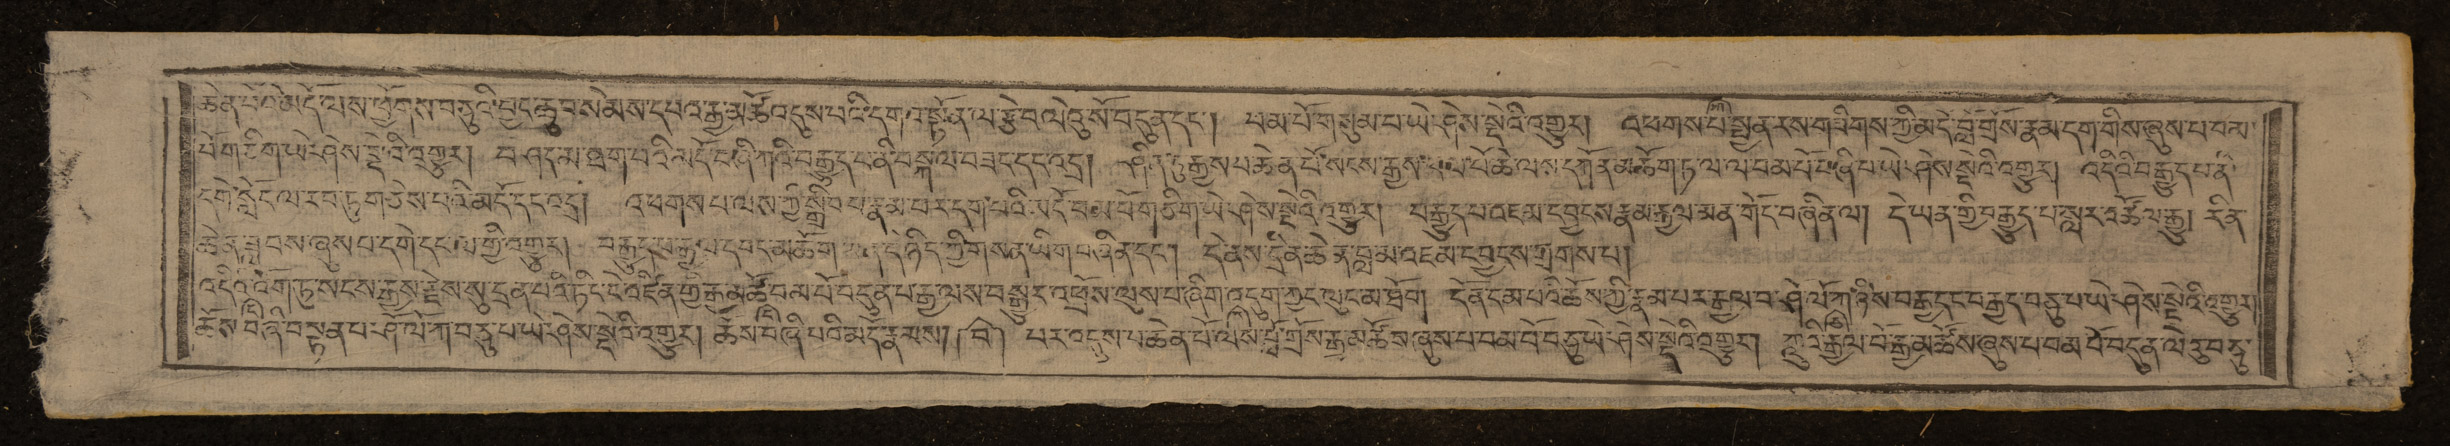ཆེན་པོའི་མདོ་ལས་ཕྱོགས་བཅུའི་བྱང་ཆུབ་སེམས་དཔའ་རྒྱ་མཚོ་འདུས་པའི་དགའ་སྟོན་ལ་རྩེ་བ་ལེའུ་སོ་བདུན་དང་། པམ་པོ་གསུམ་པ་ཡེ་ཤེས་སྡེའི་འགྱུར། འཕགས་པ་སྤྱན་རས་གཟིགས་ཀྱི་མདོ་བློ་གྲོས་རྣམ་དག་གིས་ཞུས་པ་བམ་
པོ་གཅིག་ཡེ་ཤེས་སྡེའི་འགྱུར། བཤད་མ་ཐག་པའི་མདོ་བཞི་ཀའི་བརྒྱུད་པ་ནི་བསྐལ་བཟང་དང་འདྲ། ཤིན་ཏུ་རྒྱས་པ་ཆེན་པོ་སངས་རྒྱས་ཕལ་པོ་ཆེ་ལས་དཀོན་མཆོག་ཏ་ལ་ལ་བམ་པོ་བཞི་པ་ཡེ་ཤེས་སྡེའི་འགྱུར། འདིའི་བརྒྱུད་པ་ནི་
དགེ་སློང་ལ་རབ་ཏུ་གཅེས་པའི་མདོ་དང་འདྲ། འཕགས་པ་ལས་ཀྱི་སྒྲིབ་པ་རྣམ་པར་དག་པའི་ཡོད་བམ་པོ་གཅིག་ཡེ་ཤེས་སྔེའི་འགྱུར། བརྒྱུད་པ་འཇམ་དབྱངས་རྣམ་རྒྱལ་མན་གོང་བཞིན་ལ། དེ་ཡན་གྱི་བརྒྱུད་པ་སླར་འཚོལ་རྒྱུ། རིན་
ཆེན་ཟླ་བས་ཞུས་པ་དགེ་དཔལ་གྱི་འགྱུར། བརྒྱུད་པ་རྒྱལ་དབང་མཆོག་ཡན་དེ་ཉིད་ཀྱི་གསན་ཡིག་བཞིན་དང་། དེ་ནས་དྲིན་ཆེན་བླ་མ་འཇམ་དབྱངས་གྲགས་པ།
འདིའི་འོག་ཏུ་སངས་རྒྱས་རྗེས་སུ་དྲན་པའི་ཏིང་ངེ་འཛིན་གྱི་རྒྱ་མཚོ་བམ་པོ་བདུན་པ་རྒྱ་ལས་བསྒྱུར་འཕྲོས་ལུས་པ་ཞིག་འདུག་ཀྱང་ལུང་མ་ཐོབ། དོན་དམ་པའི་ཆོས་ཀྱི་རྣམ་པར་རྒྱལ་བ་ཤོ་ལོ་ཀ་ཉིས་བརྒྱ་དང་བརྒྱད་བཅུ་པ་ཡེ་ཤེས་སྡེའི་འགྱུར་
ཆོས་བཞི་བསྟན་པ་ཤོ་ལོ་ཀ་བཅུ་པ་ཡེ་ཤེས་སྡེའི་འགྱུར། ཆོས་བཞི་པའི་མདོ་རྣམས། {བ}་པར་འདུས་བ་ཆེན་པོ་ལས་བློ་གྲོས་རྒྱ་མཚོས་ཞུས་པ་བམ་པོ་བཅུ་ཡེ་ཤེས་སྡེའི་འགྱུར། ཀླུའི་རྒྱལ་པོ་རྒྱ་མཚོས་ཞུས་པ་བམ་པོ་བདུན་ལེའུ་བཅུ་